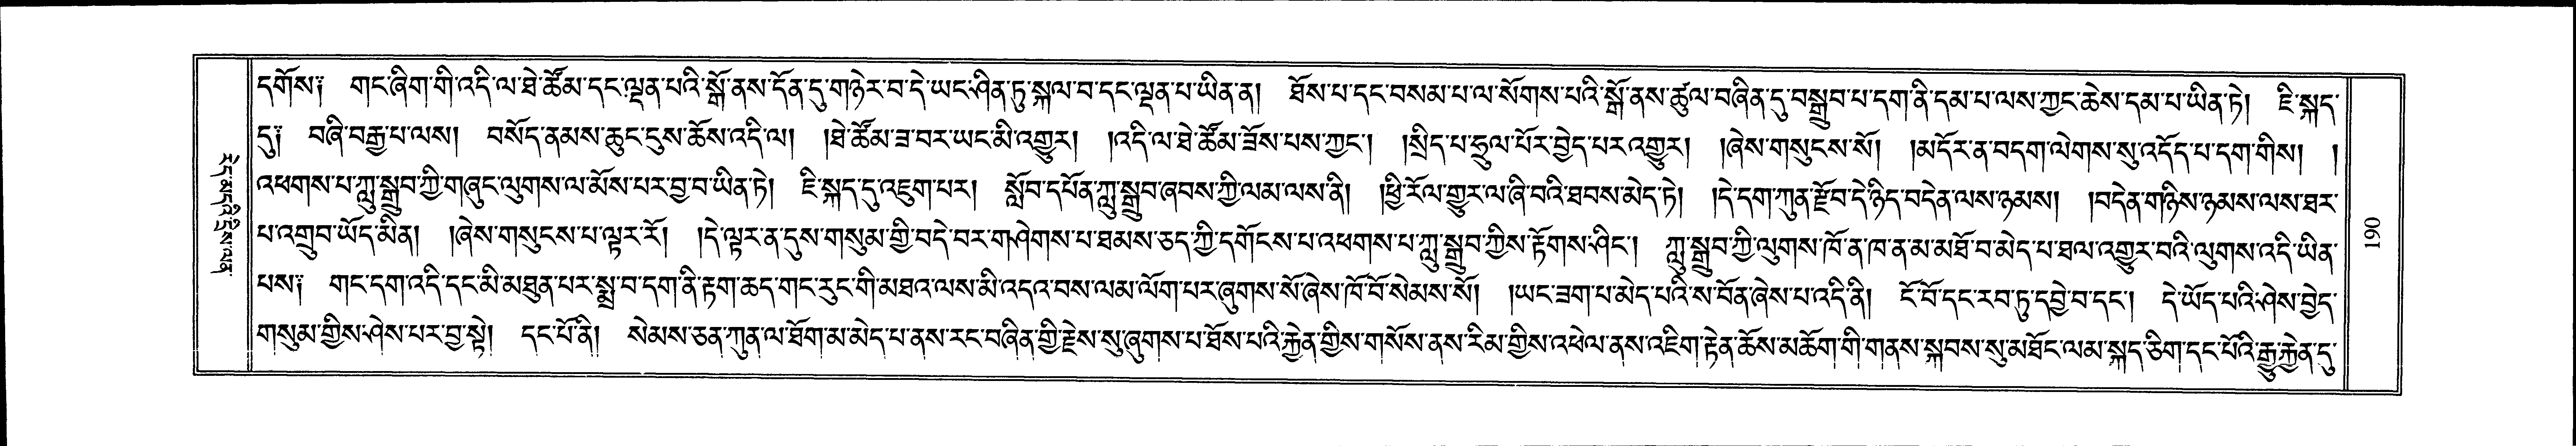དགོས། གང་ཞིག་གི་འདི་ལ་ཐེ་ཚོམ་དང་ལྡན་པའི་སྒོ་ནས་དོ་དུ་གཉེར་བ་དེ་ཡང་ཤིན་ཏུ་སྐལ་བ་དང་ལྡན་པ་ཡིན་ན། ཐོས་པ་དང་བསམ་པ་ལ་སོགས་པའི་སྒོ་ནས་ཚུལ་བཞིན་དུ་བསྒྲུབ་པ་དག་ནི་དམ་པ་ལས་ཀྱང་ཆེས་དམ་པ་ཡིན་ཏེ། ཇི་སྐད་
དུ། བཞི་བརྒྱ་པ་ལས། བསོད་ནམས་ཆུང་ངུས་ཆོས་འདི་ལ། །ཐེ་ཚོམ་ཟ་བར་ཡང་མི་འགྱུར། །འདི་ལ་ཐེ་ཚོམ་ཟོས་པས་ཀྱང་། །སྲིད་པ་ཧྲུལ་པོར་བྱེད་པར་འགྱུར། །ཞེས་གསུངས་སོ། །མདོར་ན་བདག་ལེགས་སུ་འདོད་པ་དག་གིས། །
འཕགས་པ་ཀླུ་སྒྲུབ་ཀྱི་གཞུང་ལུགས་ལ་མོས་པར་བྱ་བ་ཡིན་ཏེ། ཇི་སྐད་དུ་འཇུག་པར། སློབ་དཔོན་ཀླུ་སྒྲུབ་ཞབས་ཀྱི་ལམ་ལས་ནི། །ཕྱི་རོལ་གྱུར་ལ་ཞི་བའི་ཐབས་མེད་ཏེ། །དེ་དག་ཀུན་རྫོབ་དེ་ཉིད་བདེན་ལས་ཉམས། །བདེན་གཉིས་ཉམས་ལས་ཐར་
པ་འགྲུབ་ཡོད་མིན། །ཞེས་གསུངས་པ་ལྟར་རོ། །དེ་ལྟར་ན་དུས་གསུམ་གྱི་བདེ་བར་གཤེགས་པ་ཐམས་ཅད་ཀྱི་དགོངས་པ་འཕགས་པ་ཀླུ་སྒྲུབ་ཀྱིས་རྟོགས་ཤིང་། ཀླུ་སྒྲུབ་ཀྱི་ལུགས་ཁོ་ན་ཁ་ན་མ་མཐོ་བ་མེད་པ་ཐལ་འགྱུར་བའི་ལུགས་འདི་ཡིན་
པས། གང་དག་འདི་དང་མི་མཐུན་པར་སྨྲ་བ་དག་ནི་རྟག་ཆད་གང་རུང་གི་མཐའ་ལས་མི་འདའ་བས་ལམ་ལོག་པར་ཞུགས་སོ་ཞེས་ཁོ་བོ་སེམས་སོ། །ཡང་ཟག་པ་མེད་པའི་ས་བོན་ཞེས་པ་འདི་ནི། ངོ་བོ་དང་རབ་ཏུ་དབྱེ་བ་དང་། དེ་ཡོད་པའི་ཤེས་བྱེད་
གསུམ་གྱིས་ཤེས་པར་བྱ་སྟེ། དང་པོ་ནི། སེམས་ཅན་ཀུན་ལ་ཐོག་མ་མེད་པ་ནས་རང་བཞིན་གྱི་རྗེས་སུ་ཞུགས་པ་ཐོས་པའི་རྐྱེན་གྱིས་གསོས་ནས་རིམ་གྱིས་འཕེལ་ནས་འཇིག་རྟེན་ཆོས་མཆོག་གི་གནས་སྐབས་སུ་མཐོང་ལམ་སྐད་ཅིག་དང་པོའི་རྒྱུ་རྐྱེན་དུ་